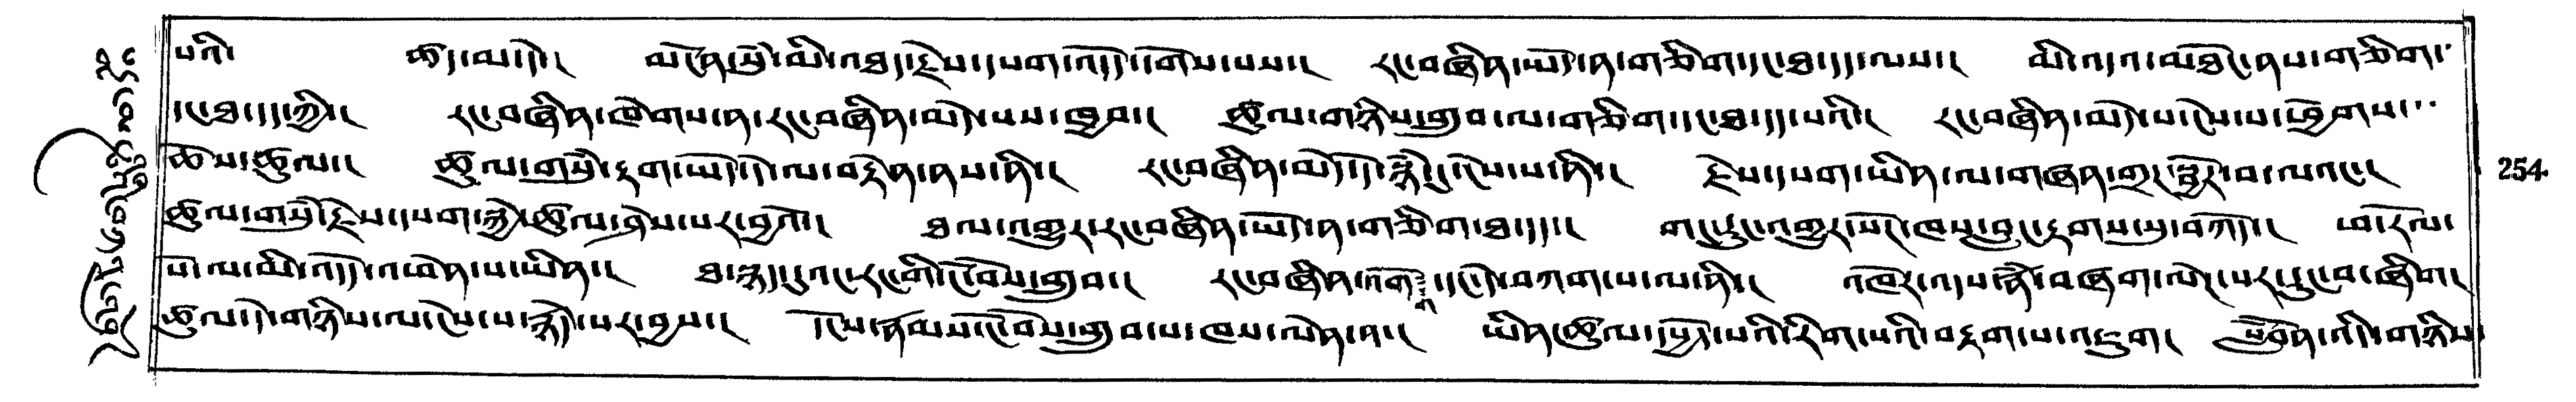པའི་ཚད་མ་དེ། །མངོན་སུམ་མི་འཐད་རྗེས་དཔག་འདོད་དགོས་པས། །རང་བཞིན་ཡོད་ན་གཅིག་དང་ཐ་དད་ལས། །མི་འདའ་མཐོང་ནས་གཅིག་
དང་ཐ་དད་ཀྱི། །རང་བཞིན་ཁེགས་ན་རང་བཞིན་མེད་པས་ཁྱབ། །ཚུལ་གཉིས་གྲུབ་ལ་གཅིག་དང་ཐ་དད་པའི། །རང་བཞིན་མེད་པ་ངེས་པ་ཕྱོགས་
ཆོས་ཚུལ། །ཚུལ་གསུམ་རྟགས་ཡོད་དེ་ལ་བརྟེན་ནས་ནི། །རང་བཞིན་མེད་དོ་སྙམ་དུ་ངེས་པ་ནི། །རྗེས་དཔག་ཡིན་ལ་གཞན་གྲགས་སྦྱོར་བ་ལའང་། །
ཚུལ་གསུམ་རྗེས་དཔག་སྐྱེ་ཚུལ་ཤེས་པར་བྱའོ། །ཐལ་འགྱུར་རང་བཞིན་ཡོད་ན་གཅིག་ཐ་དད། །གང་རུང་འགྱུར་སོགས་ཁས་བླང་རྟགས་སུ་བཀོད། །ཕ་རོལ་
པོ་ལ་མི་འདོད་འཕེན་པ་ཡིན། །ཐ་སྙད་དུའང་རང་གི་ངོ་བོས་གྲུབ། །རང་བཞིན་འགོག་དང་དེ་བཀག་པ་ལ་ནི། །འཁོར་འདས་རྣམ་གཞག་ལེགས་པར་རུང་བ་ཞིག །
ཚུལ་དེ་གཉིས་ལ་ངེས་པ་རྙེད་པར་བྱས། །དངོས་རྣམས་ངོ་བོས་གྲུབ་པ་ཁས་ལེན་ན། །ཡིན་ཚུལ་དཔྱོད་པའི་རིགས་པའི་བརྟག་པ་འཇུག །སློབ་དཔོན་འདི་གཉིས་